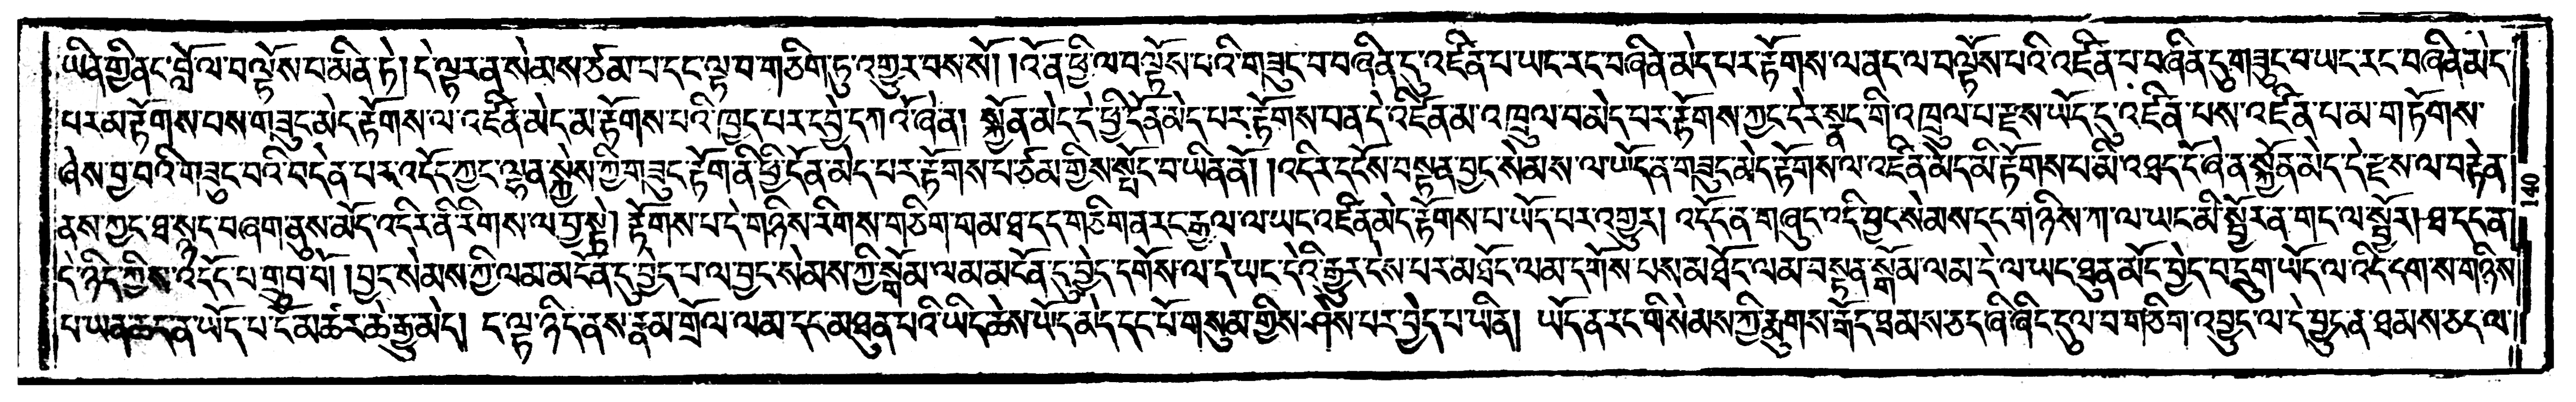ཡིན་གྱི་ནང་བློ་ལ་བལྟོས་པ་མིན་ཏེ། དེ་ལྟར་ན་སེམས་ཙམ་པ་དང་ལྟ་བ་གཅིག་ཏུ་འགྱུར་བས་སོ། །འོ་ན་ཕྱི་ལ་བལྟོས་པའི་གཟུང་བ་བཞིན་དུ་འཛིན་པ་ཡང་རང་བཞིན་མེད་པར་རྟོགས་ལ་ནང་ལ་བལྟོས་པའི་འཛིན་པ་བཞིན་དུ་གཟུང་བ་ཡང་རང་བཞིན་མེད་
པར་མ་རྟོགས་པས་གཟུང་མེད་རྟོགས་ལ་འཛིན་མེད་མ་རྟོགས་པའི་ཁྱད་པར་དབྱེ་དཀའོ་ཞེ་ན། སྐྱོན་མེད་དེ་ཕྱི་དོན་མེད་པར་རྟོགས་པ་ན་དེ་འཛིན་མ་འཁྲུལ་བ་མེད་པར་རྟོགས་ཀྱང་དེར་སྣང་གི་འཁྲུལ་པ་རྫས་ཡོད་དུ་འཛིན་པས་འཛིན་པ་མ་གཏོགས་
ཞེས་བྱ་བའི་གཟུང་བའི་བདེན་པར་འདོད་ཀྱང་ལྷན་སྐྱེས་ཀྱི་གཟུང་རྟོག་ནི་ཕྱི་དོན་མེད་པར་རྟོགས་པ་ཙམ་གྱིས་སྤོང་བ་ཡིན་ནོ། །འདིར་དངོས་བསྟན་བྱང་སེམས་ལ་ཡོད་ན་གཟུང་མེད་རྟོགས་ལ་འཛིན་མེད་མི་རྟོགས་པ་མི་འཐད་དོ་ཞེ་ན་སྐྱོན་མེད་དེ་རྫས་ལ་བརྟེན་
ནས་ཀྱང་ཐ་སྙད་བཞག་ནུས་མོད་འདིར་ནི་རིགས་ལ་བྱ་སྟེ། རྟོགས་པ་དེ་གཉིས་རིགས་གཅིག་གམ་ཐ་དད་གཅིག་ན་རང་རྒྱལ་ལ་ཡང་འཛིན་མེད་རྟོགས་པ་ཡོད་པར་འགྱུར། འདོད་ན་གཞུང་འདི་བྱང་སེམས་དང་གཉིས་ཀ་ལ་ཡང་མི་སྦྱོར་ན་གང་ལ་སྦྱོར། ཐ་དང་ན་
དེ་ཉིད་ཀྱིས་འདོད་པ་གྲུབ་བོ། །བྱང་སེམས་ཀྱི་ལམ་མངོན་དུ་བྱེད་པ་ལ་བྱང་སེམས་ཀྱི་སྒོམ་ལམ་མངོན་དུ་བྱེད་དགོས་ལ་དེ་ཡང་དེའི་རྒྱུར་ངེས་པར་མཐོང་ལམ་དགོས་པས་མཐོང་ལམ་བསྟན་སྒོམ་ལམ་དེ་ལ་ཡང་ཐུན་མོང་བྱེད་པ་དྲུག་ཡོད་ལ་འདི་དག་ས་གཉིས་
པ་ཡན་ཆད་ན་ཡོད་པ་ངོ་མཚར་ཆེ་རྒྱུ་མེད། ད་ལྟ་ཉིད་ནས་རྣམ་གྲོལ་ལམ་དང་མཐུན་པའི་ཡིད་ཆེས་ཡོད་མེད་དང་པོ་གསུམ་གྱིས་ཤེས་པར་བྱེད་པ་ཡིན། ཡོད་ན་རང་གི་སེམས་ཀྱི་རྨུགས་རྒོད་ཐམས་ཅད་ཞི་ཞིང་དུལ་བ་གཅིག་འབྱུང་ལ་དེ་བྱུང་ན་ཐམས་ཅད་ལ་